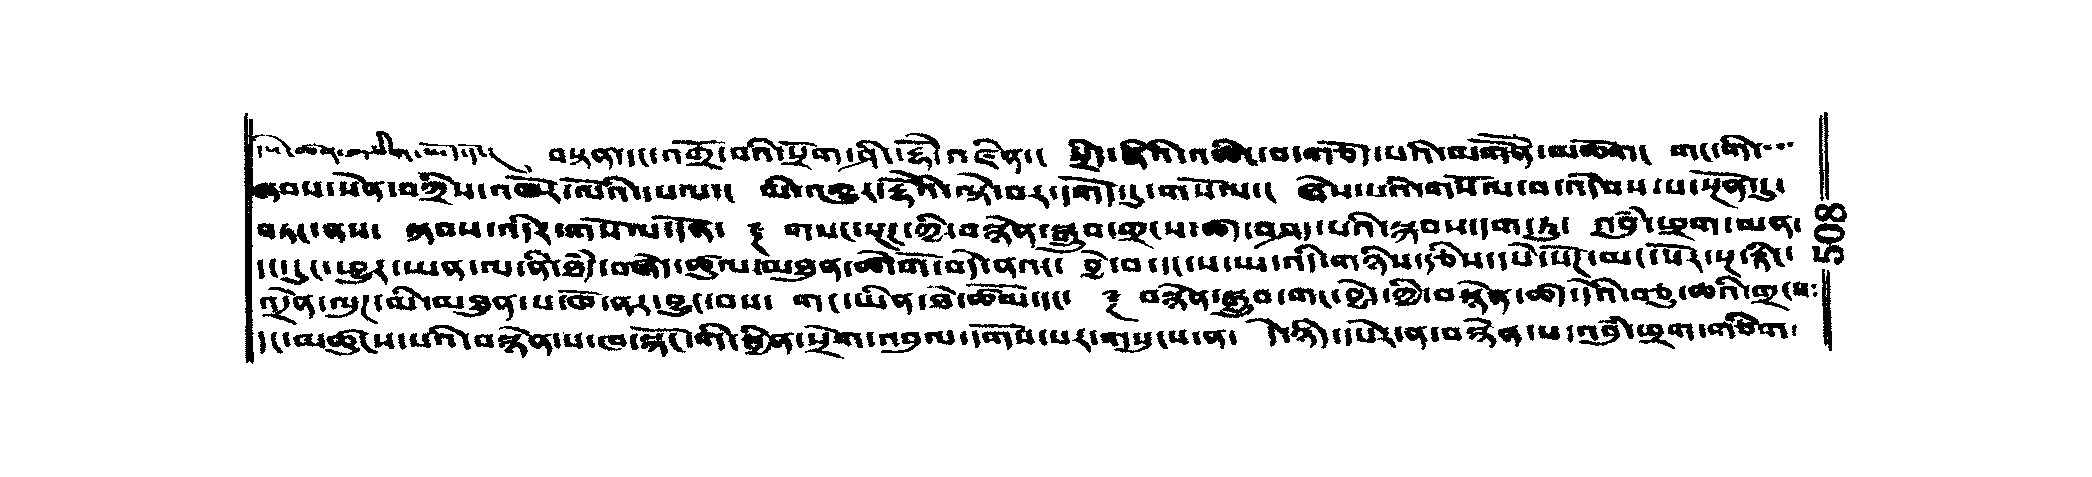༈ བསྟན་དང་འགྲོ་བའི་སྲོག་ཤིང་རྡོ་རྗེ་འཛིན། །སྲིད་ཞིའི་འཆིང་བ་གཅོད་པའི་མགོན་པོ་མཆོག །གང་གི་
ཞབས་སེན་བཀྲ་ཤིས་འཁོར་ལོའི་དཔལ། །མི་འགྱུར་རྡོ་རྗེའི་ལྟེ་བར་དགོད་དུ་གསོལ། །ཞེས་པའི་གསོལ་བ་འདེབས་པ་སྔོན་དུ་
བཏང་ནས། སྐབས་འདིར་གསོལ་དོན། ༈ གསང་སྔགས་ཀྱི་བསྙེན་སྒྲུབ་གྲངས་ཚད་བཤད་པའི་སྐབས་དག་ཏུ། འབུམ་ཕྲག་མན་
དང་དུང་ཕྱུར་ཡན་ལ་ནི་ཐམས་ཅད་བཞེད་ཚུལ་མཐུན་ཚེ་གོ་བདེ་ནའང་།བྱེ་བ་དང་ས་ཡ་འདི་གཉིས་རྩིས་དཔེ་སོགས་མང་པོར་སྔ་རྟིང་
འདྲེན་ལུགས་མི་མཐུན་པ་ཁོ་ནར་བྱུང་བས། གང་ཡིན་ཐེ་ཚོམ་དང་། ༈ བསྙེན་སྒྲུབ་གང་བྱེད་ཀྱི་བསྙེན་ཚད་དེའི་བཅུ་ཆའི་གྲངས་
དང་མཚུངས་པའི་བསྙེན་པ་ཁ་སྐོང་གི་སྦྱིན་སྲེག་འབུལ་དགོས་པར་གསུངས་ན། དེ་ཉིད་དཔེར་ན་བསྙེན་པ་འབུམ་ཕྲག་གཅིག་